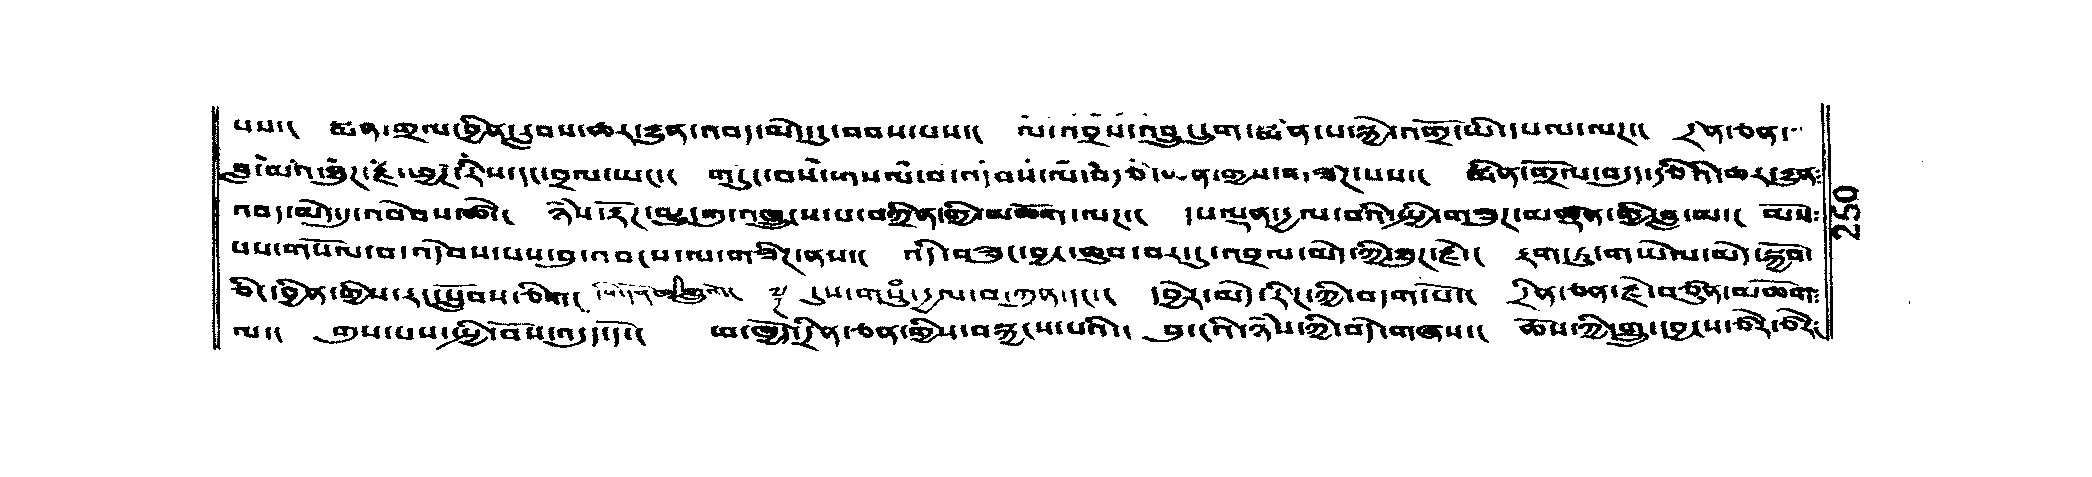པས། སྨིན་གྲོལ་བདུད་རྩིའི་ཆར་རྒྱུན་འབད་མེད་དུ་བབས་པས། །ལམ་འབྲས་འབྲས་བུ་དུག་སྨིན་སྐྱེ་འགྲོ་ཡི་་དཔལ་ལགས། །དྲིན་ཅན་
བླ་མའི་ཐུགས་རྗེ་ཕྱོགས་རིས་དང་བྲལ་ཡང་། །གདུང་བས་གསོལ་བ་འདེབས་ལ་བརྩེ་ཡན་གྱིས་གཟིགས་པས། །སྨིན་གྲོལ་བདུད་རྩིའི་ཆར་རྒྱུན་
འབད་མེད་དུ་འབེབས་ཚེ། །ཉམས་རྟོགས་མྱུ་གུ་འཁྲུངས་པ་བཀའ་དྲིན་གྱི་མཆོག་ལགས། །དཔལ་ལྡན་རྒྱལ་བའི་སྤྱི་གཟུགས་མཚན་ལྡན་གྱི་བླ་མ། །མོས་
པས་གསོལ་བ་འདེབས་པའི་བུ་འབངས་ལ་གཟིགས་ནས། །འདི་བཟུང་བྱང་ཆུབ་བར་དུ་འབྲལ་མེད་ཀྱི་ཐུགས་རྗེས། །རྟག་ཏུ་གཡེལ་མེད་སྐྱོབ་
ཅིང་བྱིན་གྱིས་རང་རློབས་ཤིག དཔེ་དོན་གྱི་གླུའོ།། ༈ དུས་གསུམ་རྒྱལ་བ་ཀུན་དང་། །དབྱེར་མེད་རིགས་ཀྱི་བདག་པོ། །དྲིན་ཅན་རྗེ་བཙུན་མཆོག་
ལ། །གུས་པས་སྤྱི་བོས་འདུད་དོ། །ཕ་ཁྱོད་དྲིན་ཅན་གྱིས་བསྐྱངས་པའི། །བུ་ངའི་ཉམས་ཀྱི་བདེ་གཞས། །ཆོས་ཀྱི་གླུ་དབྱངས་ཅོར་ཅོར་